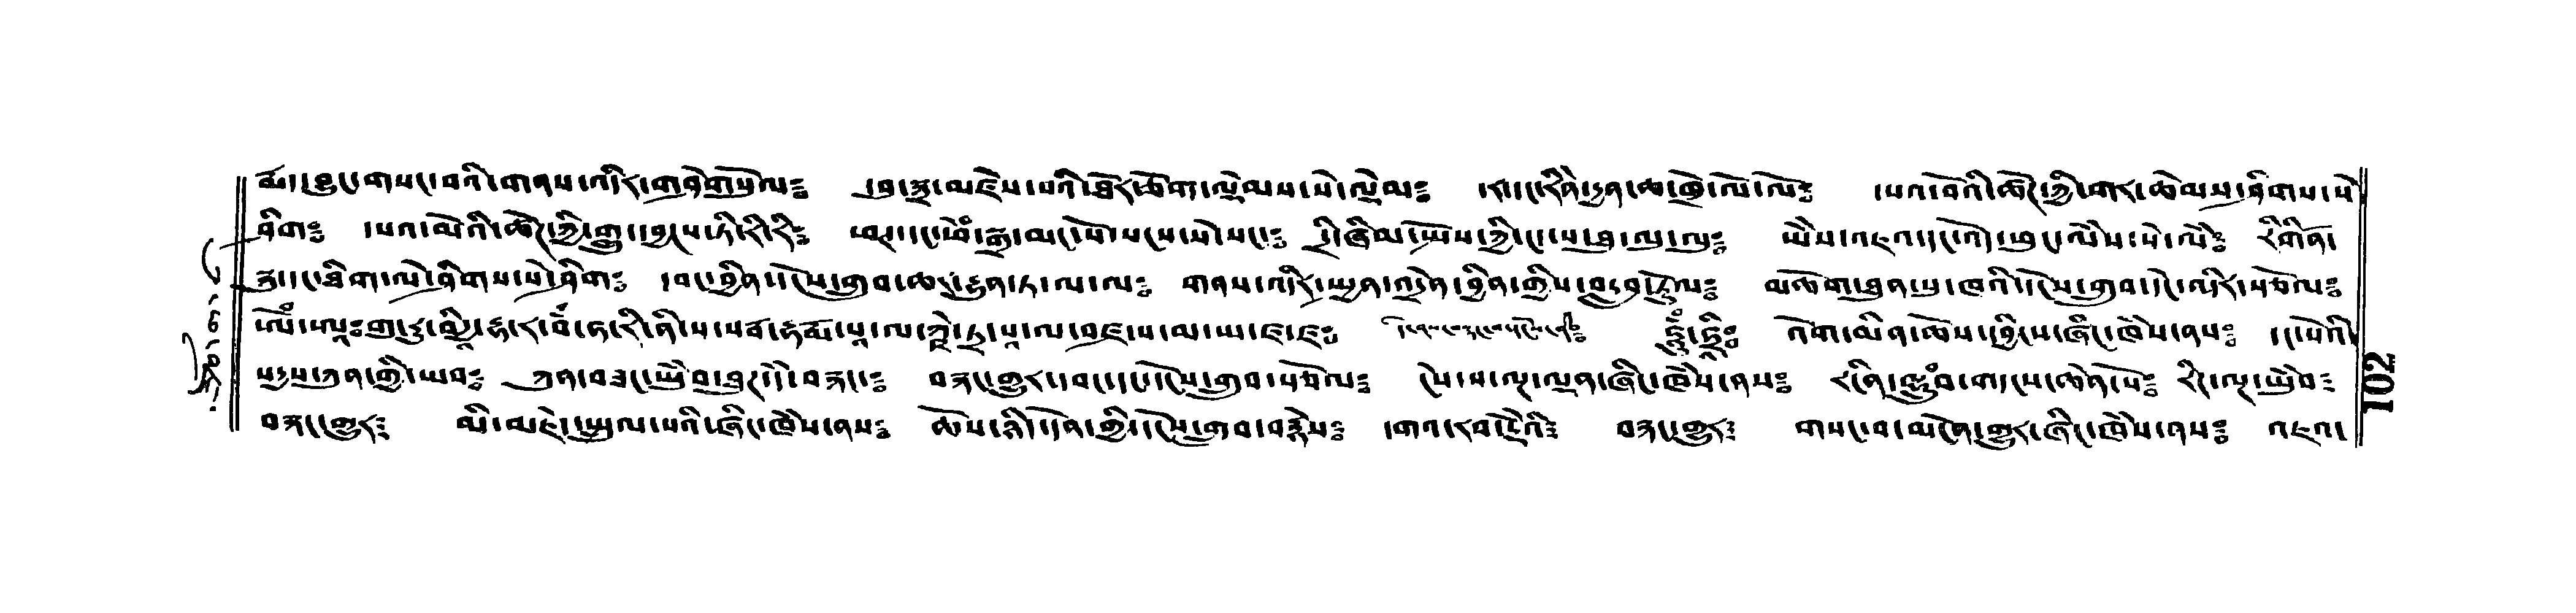རྨད་བྱུང་གསང་བའི་གནས་འདིར་གཤེགས་སུ་གསོལ༔ དབུ་སྐྲ་མཛེས་པའི་ཐོར་ཅོག་ལྡེམས་སེ་ལྡེམ༔ དར་དང་རིན་ཆེན་རྒྱན་ཆ་ཁྲོ་ལོ་ལོ༔ དཔའ་བོའི་ཚོགས་ཀྱིས་གར་འཆམ་ཤིགས་སེ་
ཤིག༔ དཔའ་མོའི་ཚོགས་ཀྱིས་གླུ་དབྱངས་ཏི་རི་རི༔ ཕཊ་དང་ཕེཾ་སྒྲ་མང་པོ་སངས་སེ་སང༔ དྲི་ཞིམ་སྤོས་ཀྱི་ངད་པ་ཐུ་ལུ་ལུ༔ ཡེ་ཤེས་འཇའ་དང་འོད་ཕུང་ལམས་སེ་ལམ༔ རིག་འཛིན་
སྐུ་དང་ཐིག་ལེ་ཤིགས་སེ་ཤིག༔ དབང་བྱིན་དངོས་གྲུབ་ཆར་རྒྱུན་ཏ་ལ་ལ༔ གནས་འདིར་སྤྱན་འདྲེན་བྱིན་གྱིས་བརླབ་ཏུ་གསོལ༔ མཆོག་ཐུན་སུ་ཁའི་དངོས་གྲུབ་དེང་འདིར་སྩོལ༔ 
ཨོཾ་ཨཱཿགུ་རུ་བིདྱཱ་དྷ་ར་བྃ་ཧ་རི་ནི་ས་སརྦ་དྷརྨ་པཱ་ལ་ཀྵེ་ཏྲ་པཱ་ལ་བཛྲ་ས་མ་ཡ་ཛ་ཛཿ དེ་ནས་བསྐང་བ་དངོས་ནི༔ ཧཱུྃ་ཧྲཱིཿ འོག་མིན་ཆོས་དབྱིངས་ཞིང་ཁམས་ནས༔ དང་པོའི་
སངས་རྒྱས་ཀུན་གྱི་ཡབ༔ ཀུན་བཟང་ཡབ་ཡུམ་ཐུགས་དམ་བསྐང༔བསྐང་གྱུར་དབང་དང་དངོས་གྲུབ་སྩོལ༔ ངེས་པ་ལྔ་ལྡན་ཞིང་ཁམས་ནས༔ རང་བཞིན་ལྷུན་གྲུབ་གདངས་ཆེན་པོ༔ རིགས་ལྔ་ཡབ་ཡུམ༴ 
བསྐང་གྱུར༴ མི་མཇེད་སྤྲུལ་པའི་ཞིང་ཁམས་ནས༔ ཆོས་ཉིད་དོན་གྱི་དངོས་གྲུབ་བརྙེས༔ དགའ་རབ་རྡོ་རྗེའི༴ བསྐང་གྱུར༴ གསང་བ་མངོན་གྱུར་ཞིང་ཁམས་ནས༔ འཇའ་